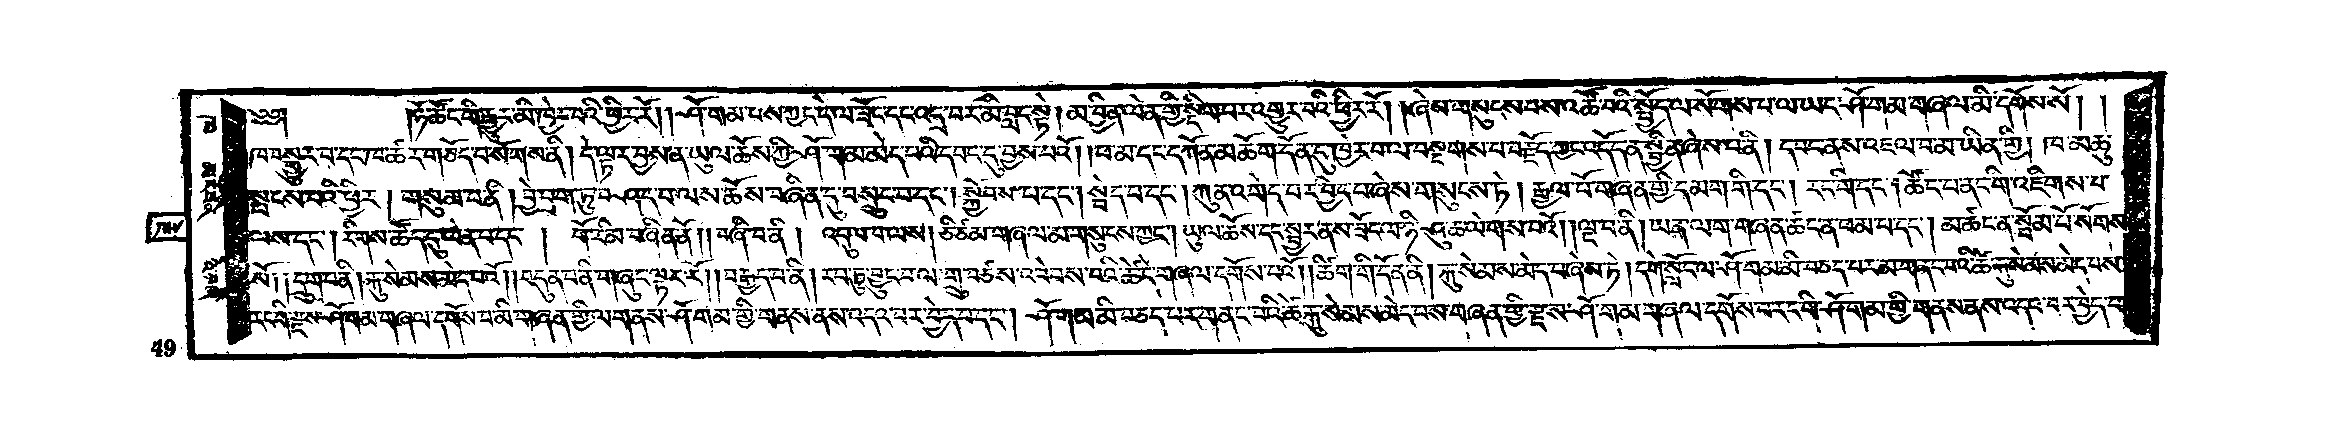༄༅། །ཉོ་ཚོང་གི་རྒྱུར་མི་ཁྱེར་བའི་ཕྱིར་རོ། །ཤོ་གམ་པས་ཀྱང་དེ་ལ་ཟོང་དང་འདྲ་བར་མི་བླང་སྟེ། མ་བྱིན་ལེན་གྱི་སྡིག་པར་འགྱུར་བའི་ཕྱིར་རོ། །ཞེས་གསུངས་པས་འཚོ་བའི་སྤྱོད་ལ་སོགས་པ་ལ་ཡང་ཤོ་གམ་གཞལ་མི་དགོས་སོ། །
ཁ་བསྒྱུར་བ་དང་ཁ་ཚར་གཅོད་པ་སོགས་ནི། དེ་ལྟར་བྱས་ན་ཡུལ་ཆོས་ཀྱི་ཤོ་གམ་མེད་པའི་དབང་དུ་བྱས་པའོ། །ཕ་མ་དང་དཀོན་མཆོག་དོན་དུ་ཁྱེར་བ་ལ་བསྔགས་པ་བརྗོད་ཀྱང་འདོད་ན་སྦྱིན་ཞེས་པ་ནི། དབང་ནས་འཇལ་བ་མ་ཡིན་གྱི། ཁ་མཆུ་
སྤངས་པའི་ཕྱིར། གསུམ་པ་ནི། བྱེ་བྲག་ཏུ་བཤད་པ་ལས་ཆོས་བཞིན་དུ་བསྲུང་བ་དང་། སྐྱོབ་པ་དང་། སྦེད་པ་དང་། ཀུན་འགེད་པར་བྱེད་པ་ཞེས་གསུངས་ཏེ། རྒྱལ་པོ་གཞན་གྱི་དམག་གི་དང་། རང་གི་དང་། ཚོང་པ་ནང་གི་འཇིགས་པ་
ལས་དང་། རིགས་ཚོད་དུ་ལེན་པ་དང་། གོ་རིམ་བཞིན་ནོ། །བཞི་པ་ནི། འདུལ་བ་ལས། ཅི་ཙམ་གཞལ་མ་གསུངས་ཀྱང་། ཡུལ་ཆོས་དང་སྦྱར་ནས་ཟོང་ལ་ཉི་ཤུ་ཆ་ལེགས་པའོ། །ལྔ་པ་ནི། ཡན་ལག་གཞན་ཚང་ན་ཕམ་པ་དང་། མ་ཚང་ན་སྦོམ་པོ་སོགས་
སོ༑ ༑དྲུག་པ་ནི། རྐུ་སེམས་མེད་པའོ། །བདུན་པ་ནི་གཞུང་ལྟར་རོ། །བརྒྱད་པ་ནི། རབ་ཏུ་བྱུང་བ་ལ་གྲུ་བཙས་འབེབས་པའི་ཚེ་དེ་གཞལ་དགོས་པའོ། །ཚིག་གི་དོན་ནི། རྐུ་སེམས་མེད་པ་ཞེས་ཏེ། དགེ་སློང་ལ་ཤོ་གམ་མི་བཅད་པར་མ་གནང་བའི་ཚེ་རྐུ་སེམས་མེད་པས་
རང་གི་རྫས་ཤོ་གམ་གཞལ་དགོས་པ་མི་གཞན་གྱི་ལ་གནས་ཤོ་གམ་གྱི་གནས་ནས་འདའ་བར་བྱེད་པ་དང་། ཤོ་གམ་མི་བཅད་པར་གནང་བའི་ཚེ་རྐུ་སེམས་མེད་པས་གཞན་གྱི་རྫས་ཤོ་གམ་གཞལ་དགོས་པ་རང་གི་ཤོ་གམ་གྱི་གནས་ནས་འདའ་བར་བྱེད་པ་